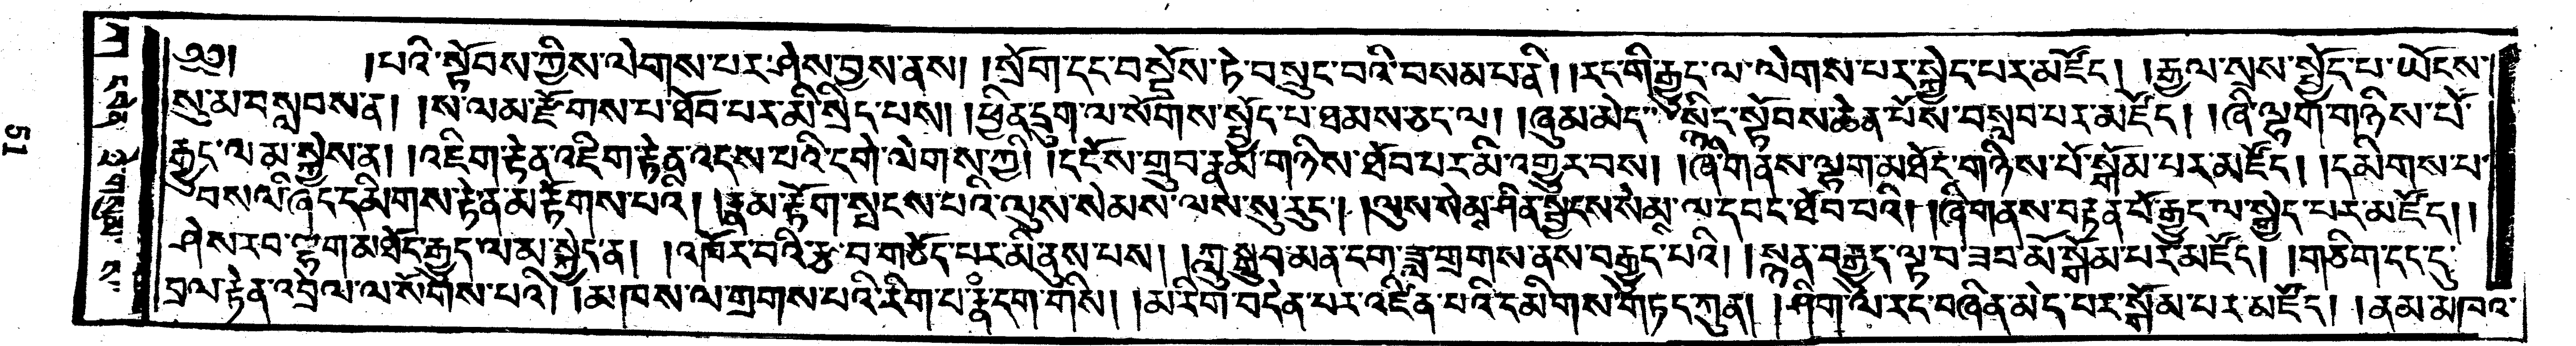༄༅། །པའི་སྟོབས་ཀྱིས་ལེགས་པར་ཤེས་བྱས་ནས། །སྲོག་དང་བསྡོས་ཏེ་བསྲུང་བའི་བསམ་པ་ནི། །རང་གི་རྒྱུད་ལ་ལེགས་པར་སྐྱེད་པར་མཛོད། །རྒྱལ་སྲས་སྤྱོད་པ་ཡོངས་
སུ་མ་བསླབས་ན། །ས་ལམ་རྫོགས་པ་ཐོབ་པར་མི་སྲིད་པས། །ཕྱིན་དྲུག་ལ་སོགས་སྤྱོད་པ་ཐམས་ཅད་ལ། །ཞུམ་མེད་སྙིང་སྟོབས་ཆེན་པོས་བསླབ་པར་མཛོད། །ཞི་ལྷག་གཉིས་པོ་
རྒྱུད་ལམ་སྐྱེས་ན། །འཇིག་རྟེན་འཇིག་རྟེན་འདས་པའི་དགེ་ལེགས་ཀྱི། །དངོས་གྲུབ་རྣམ་གཉིས་ཐོབ་པར་མི་འགྱུར་བས། །ཞི་གནས་ལྷག་མཐོང་གཉིས་པོ་སྒོམ་པར་མཛོད། །དམིགས་པ་
བསལ་ཞིང་དམིགས་རྟེན་མ་རྟོགས་པའི། །རྣམ་རྟོག་སྤངས་པའི་ལུས་སེམས་ལས་སུ་རུང་། །ལུས་སེམས་ཤིན་སྦྱངས་སེམས་ལ་དབང་ཐོབ་པའི། །ཞི་གནས་བརྟན་པོ་རྒྱུད་ལ་སྒྱེད་པར་མཛོད། །
ཤེས་རབ་ལྷག་མཐོང་རྒྱུད་ལམ་སྐྱེད་ན། །འཁོར་བའི་རྩ་བ་གཅོད་པར་མི་ནུས་པས། །ཀླུ་སྒྲུབ་མན་ངག་ཟླ་གྲགས་ནས་བརྒྱུད་པའི། །སྙན་བརྒྱུད་ལྟ་བ་ཟབ་མོ་སྒོམ་པར་མཛོད། །གཅིག་དང་དུ་
བྲལ་རྟེན་འབྲེལ་ལ་སོགས་པའི། །མཁས་ལ་གྲགས་པའི་རིག་པ་རྣཾ་དག་གིས། །མ་རིག་བདེན་པར་འཛིན་པའི་དམིགས་གཏད་ཀུན། །ཤིག་ལ་རང་བཞིན་མེད་པར་སྒོམ་པར་མཛོད། །ནམ་མཁའ་